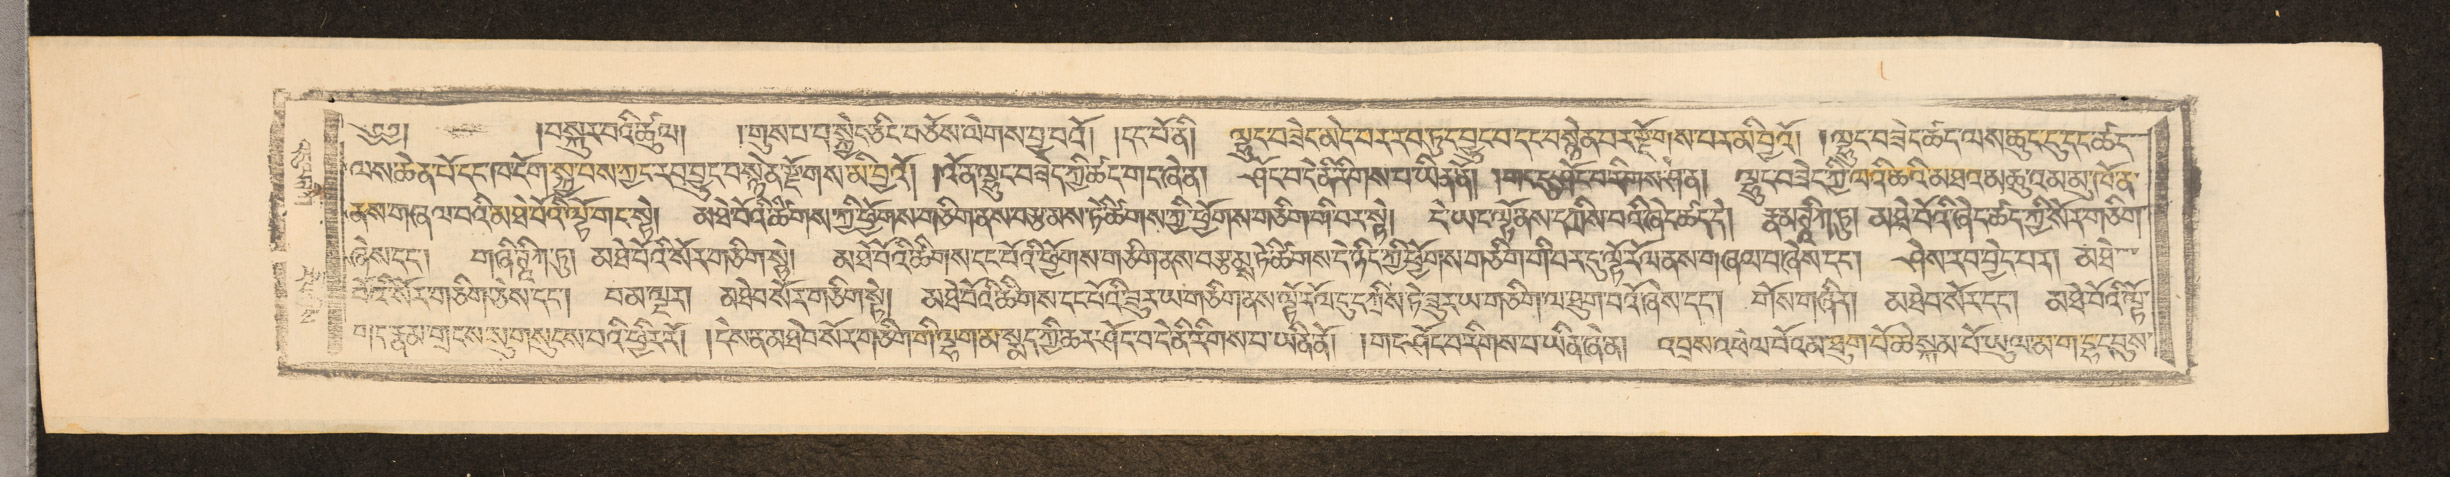༄༅། །བསྐུར་བའི་ཚུལ། གུས་པ་བསྐྱེད་ཅིང་བཅོས་ལེགས་བྱ་བའོ། །དང་པོ་ནི། ལྷུང་བཟེད་མེད་པར་རབ་ཏུ་དབྱུང་བ་དང་བསྙེན་པར་རྫོགས་པར་མི་བྱའོ། །ལྷུང་བཟེད་ཚད་ལས་ཆུང་དུ་དང་ཚད་
ལས་ཆེན་པོ་དང་ཁ་དོག་སྐྱ་བས་ཀྱང་རབ་བྱུང་བསྙེན་རྫོགས་མི་བྱའོ། །འོ་ན་ལྷུང་བཟེད་ཀྱི་ཚད་གང་ཞེ་ན། ཤོད་བ་དེ་ནི་རིགས་པ་ཡིན་ནོ། །གང་དུ་ཤོང་པ་རིགས་ཤེ་ན། ལྷུང་བཟེད་ཀྱི་ཁའི་ཆའི་མཐའ་མཆུ་འམ་མུ་ཁོ་ན་
ནས་གཞལ་བའི་མཐེ་པོའི་ལྟོ་གང་སྟེ། མཐེ་བོའི་ཚིགས་ཀྱི་ཕྱོགས་གཅིག་ནས་བརྩམས་ཏེ་ཚིགས་ཀྱི་ཕྱོགས་གཅིག་གི་བར་སྟེ། དེ་ཡང་ལྟོ་ནས་དཀྲིས་པའི་ཞེང་ཚད་དེ། རྣམ་ཊཱིཀ་ཏུ། མཐེ་བོའི་ཞེང་ཚད་ཀྱི་སོར་གཅིག་
ཞེས་དང་། གཞི་ཊཱིཀ་ཏུ། མཐེ་བོའི་སོར་གཅིག་སྟེ། མཐེ་བོའི་ཚིགས་དང་པོའི་ཕྱོགས་གཅིག་ནས་བརྩམས་ཏེ་ཚིགས་དེ་ཉིད་ཀྱི་ཕྱོགས་གཅིག་གི་བར་དུ་ལྟོ་རོལ་ནས་གཞལ་བ་ཞེས་དང་། ཤེས་རབ་བྱེད་པར། མཐེ་
བོའི་སོར་གཅིག་ཅེས་དང་། བམ་ལྔར། མཐེབ་སོར་གཅིག་སྟེ། མཐེ་བོའི་ཚིགས་དང་པོའི་ཟུར་ཡ་གཅིག་ནས་ལྟོ་རོལ་དུ་དཀྲིས་ཏེ་ཟུར་ཡ་གཅིག་ལ་ཐུག་པའོ་ཞེས་དང་། གོས་གཞིར། མཐེབ་སོར་དང་། མཐེ་བོའི་ལྟོ་
གང་རྣམ་གྲངས་སུ་གསུངས་པའི་ཕྱིར་རོ། །དེས་ན་མཐེབ་སོར་གཅིག་གི་ལྷག་མ་སྨད་ཀྱི་ཆར་ཤོང་བ་དེ་ནི་རིགས་པ་ཡིན་ནོ། །གང་ཤོང་བ་རིགས་པ་ཡིན་ཞེ་ན། འབྲས་འཕེལ་པོ་འམ་ཐུག་པོ་ཆེ་སྐམ་པོ་ཡུལ་མ་ག་དྷ་དབུས་